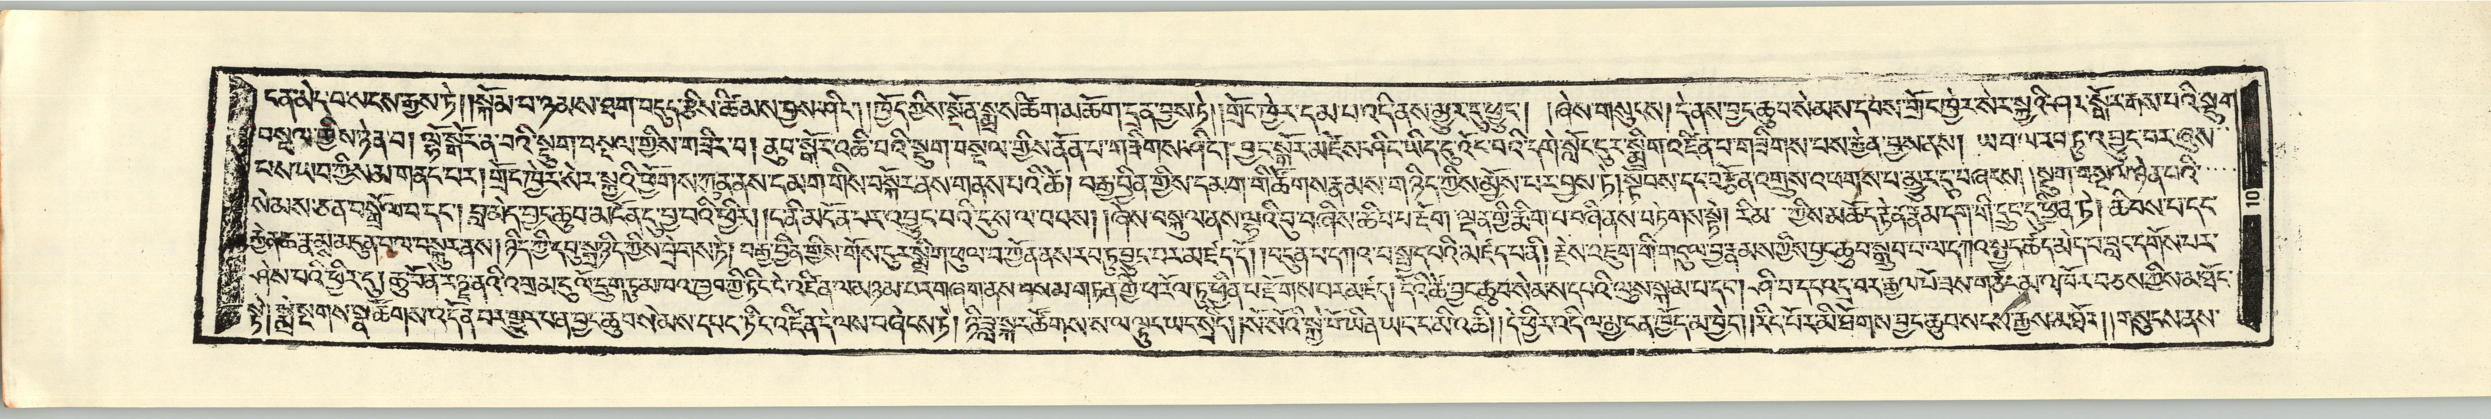ངན་མེད་བ་སངས་རྒྱས་ཏེ། །སྐོམ་བ་ཉམས་ཐག་བདུད་རྩིས་ཚིམས་བྱས་ཤིང་། །ཁྱོད་ཀྱིས་སྔོན་སྨྲས་ཚིག་མཆོག་དྲན་བྱས་ཏེ། །གྲོང་ཁྱེར་དམ་པ་འདི་ནས་མྱུར་དུ་ཕྱུང་། །ཞེས་གསུངས། དེ་ནས་བྱང་ཆུབ་སེམས་དཔས་གྲོང་ཁྱེར་སེར་སྐྱའི་ཤར་སྒོར་རྒས་པའི་སྡུག་
བསྔལ་གྱིས་ཉེན་བ། ལྷོ་སྒོར་ན་བའི་སྡུག་བསྔལ་གྱིས་གཟིར་བ། ནུབ་སྒོར་འཆི་བའི་སྡུག་བསྔལ་གྱིས་ནོན་པ་གཟིགས་ཤིང་། བྱང་སྒོར་མཛེས་ཤིང་ཡིད་དུ་འོང་བའི་དགེ་སློང་དུར་སྨྲིག་འཛིན་པ་གཟིགས་པས་རྐྱེན་བྱས་ནས། ཡབ་ལ་རབ་ཏུ་འབྱུང་བར་ཞུས་
པས་ཡབ་ཀྱིས་མ་གནང་བར། གྲོང་ཁྱེར་སེར་སྐྱའི་ཕྱོགས་ཀུན་ནས་དམག་གིས་བསྐོར་ནས་གནས་པའི་ཚེ། བརྒྱ་བྱིན་གྱིས་དམག་གི་ཚོགས་རྣམས་གཉིད་ཀྱིས་མྱོས་པར་བྱས་ཏེ། སྟོབས་དང་བརྩོན་འགྲུས་འཕགས་པ་མྱུར་དུ་བཞངས། །སྡུག་བསྔལ་ཉེན་པའི་
སེམས་ཅན་བསྒྲོལ་བ་དང་། བླ་མེད་བྱང་ཆུབ་མངོན་དུ་བྱ་བའི་ཕྱིར། །ད་ནི་མངོན་པར་འབྱུང་བའི་དུས་ལ་བབས། །ཞེས་བསྐུལ་ནས་ལྷའི་བུ་བཞིས་ཆིབ་པ་རྡོག་ལྡན་གྱི་རྨིག་པ་བཞི་ནས་བཏེགས་སྟེ། རིམ་ཀྱིས་མཆོད་རྟེན་རྣམ་དག་གི་དྲུང་དུ་ཕྱིན་ཏེ། ཆིབས་པ་དང་
རྐྱེན་ཆ་རྣམས་མདུན་པ་ལ་བསྐུར་ནས། ཉིད་ཀྱི་དབུ་སྐྲ་ཉིད་ཀྱིས་བྲེགས་ཏེ། བརྒྱ་བྱིན་གྱིས་གོས་དུར་སྨྲིག་ཕུལ་བ་ཀྱོན་ནས་རབ་ཏུ་བྱུང་བར་མཛད་དོ། །བདུན་པ་དཀའ་བ་སྤྱད་པའི་མཛད་པ་ནི། རྗེས་འཇུག་གི་གདུལ་བྱ་རྣམས་ཀྱིས་བྱང་ཆུབ་སྒྲུབ་པ་ལ་དཀའ་སྤྱད་ཚད་མེད་པ་བླང་དགོས་པར་
ཤེས་པའི་ཕྱིར་དུ། ཆུ་བོ་ནེ་རཉྫ་ནའི་འགྲམ་དུ་ལོ་དྲུག་ཏུ་མཁའ་ཁྱབ་ཀྱི་ཏིང་ངེ་འཛིན་ལ་མཉམ་པར་གཞག་ནས་བསམ་གཏན་གྱི་ཕ་རོལ་ཏུ་ཕྱིན་པ་རྫོགས་པར་མཛད། དེའི་ཚེ་བྱང་ཆུབ་སེམས་དཔའི་ལུས་སྐམ་པ་དང་། ཤི་བ་དང་འདྲ་བར་རྒྱལ་པོ་ཟས་གཙང་མ་འཁོར་བཅས་ཀྱིས་མཐོང་
སྟེ། སྨྲེ་སྔགས་སྣ་ཚོགས་འདོན་བར་གྱུར་པ་ན་བྱང་ཆུབ་སེམས་དཔང་ཏིང་འཛིན་དེ་ལས་བཞེངས་ཏེ། ཉི་ཟླ་སྐར་ཚོགས་ས་ལ་ལྟུང་ཡང་སྲིད། །སོ་སོའི་སྐྱེ་བོ་ཡིན་ཡང་ང་མི་འཆི། །དེ་ཕྱིར་འདི་ལ་མྱ་ངན་ཁྱོད་མ་བྱེད། །རིང་པོར་མི་ཐོགས་བྱང་ཆུབ་སངས་རྒྱས་མཐོར། །གསུངས་ནས་